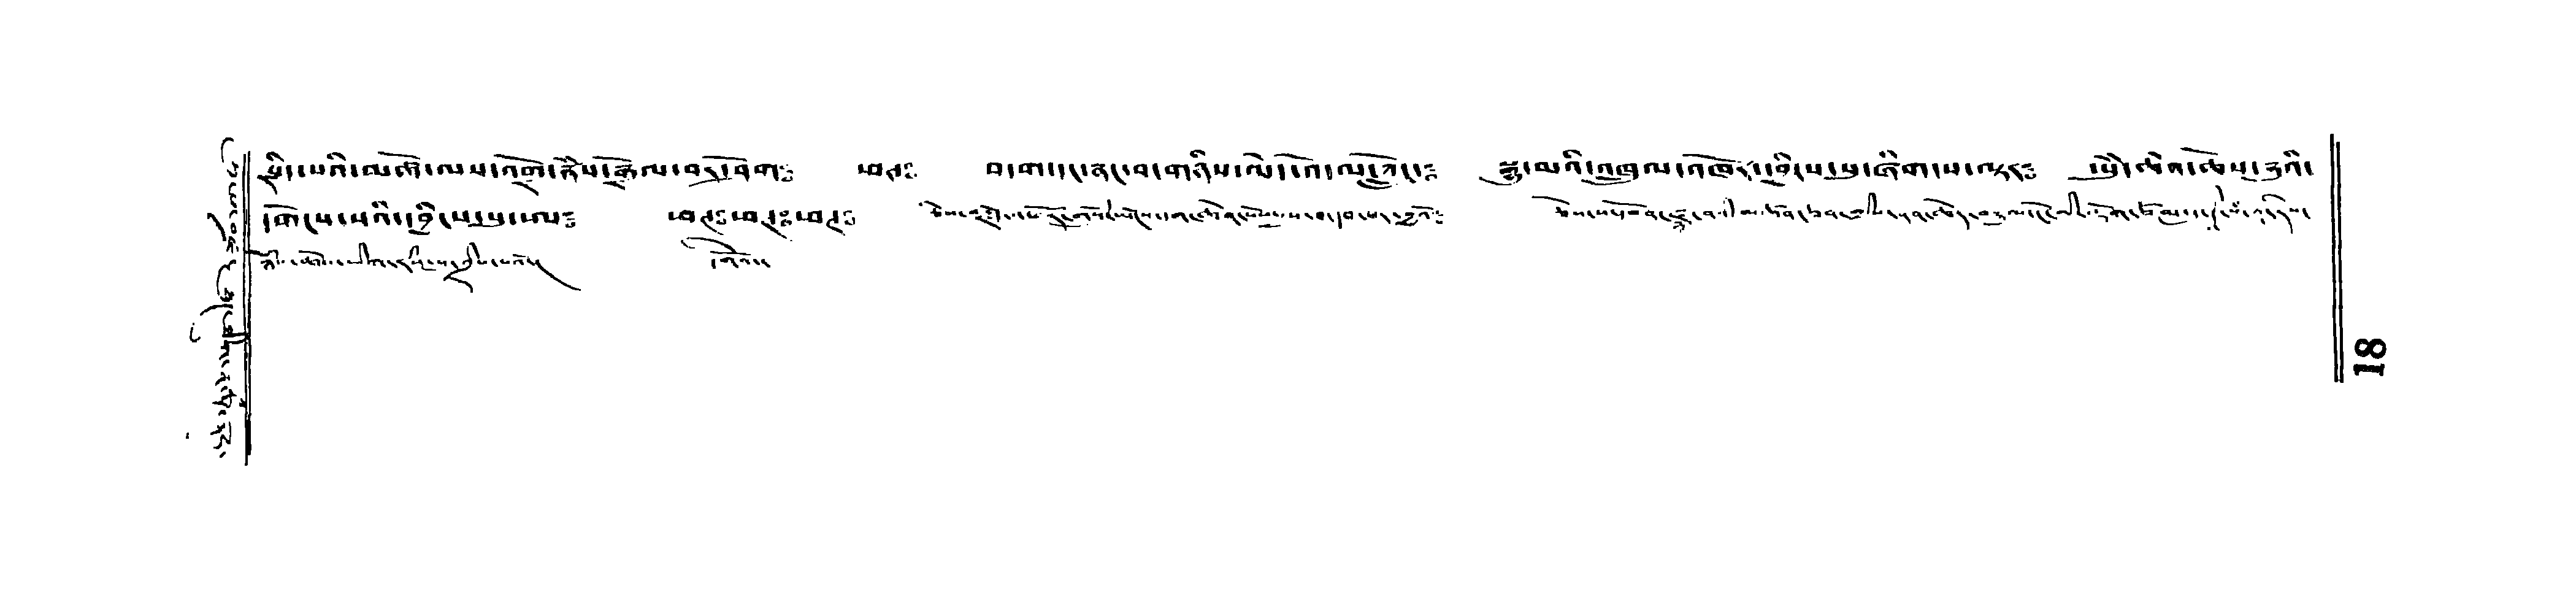སྲིད་པའི་མཚོ་ལས་འགྲོ་རྣམས་སྒྲོལ་བར་ཤོག༔ ཕཊཿ བདག་དང་སྣང་བ་གཉིས་མེད་འོད་གསལ་ཀློང༔ སྒྱུ་མའི་འཕྲུལ་འཁོར་དབྱིངས་སུ་ཞིག་པ་ལྟར༔ ཡུམ་ཆེན་ཆོས་སྐུའི་
དགོངས་པའི་དབྱིངས་སུ་ཨ༔ ཕཊཿཕཊཿཕཊཿ ཅེས་བརྗོད་འཁོར་གསུམ་ཡོངས་དག་ཆེན་པོས་རྒྱས་གདབ་པར་བྱའོ༔ ཅེས་པ་དབོན་ཛྙཱ་ནའི་མཚན་ཅན་གྱིས་ནན་ཆེར་བསྐུལ་ངོ་མི་ལྡོག་ཙམ་དུ་དྷི་པཾ་ཏཱ་རེས་
ཉམས་ཆོས་ཡིག་རིས་སུ་བྲིས་པའོ།། དགེའོ།།